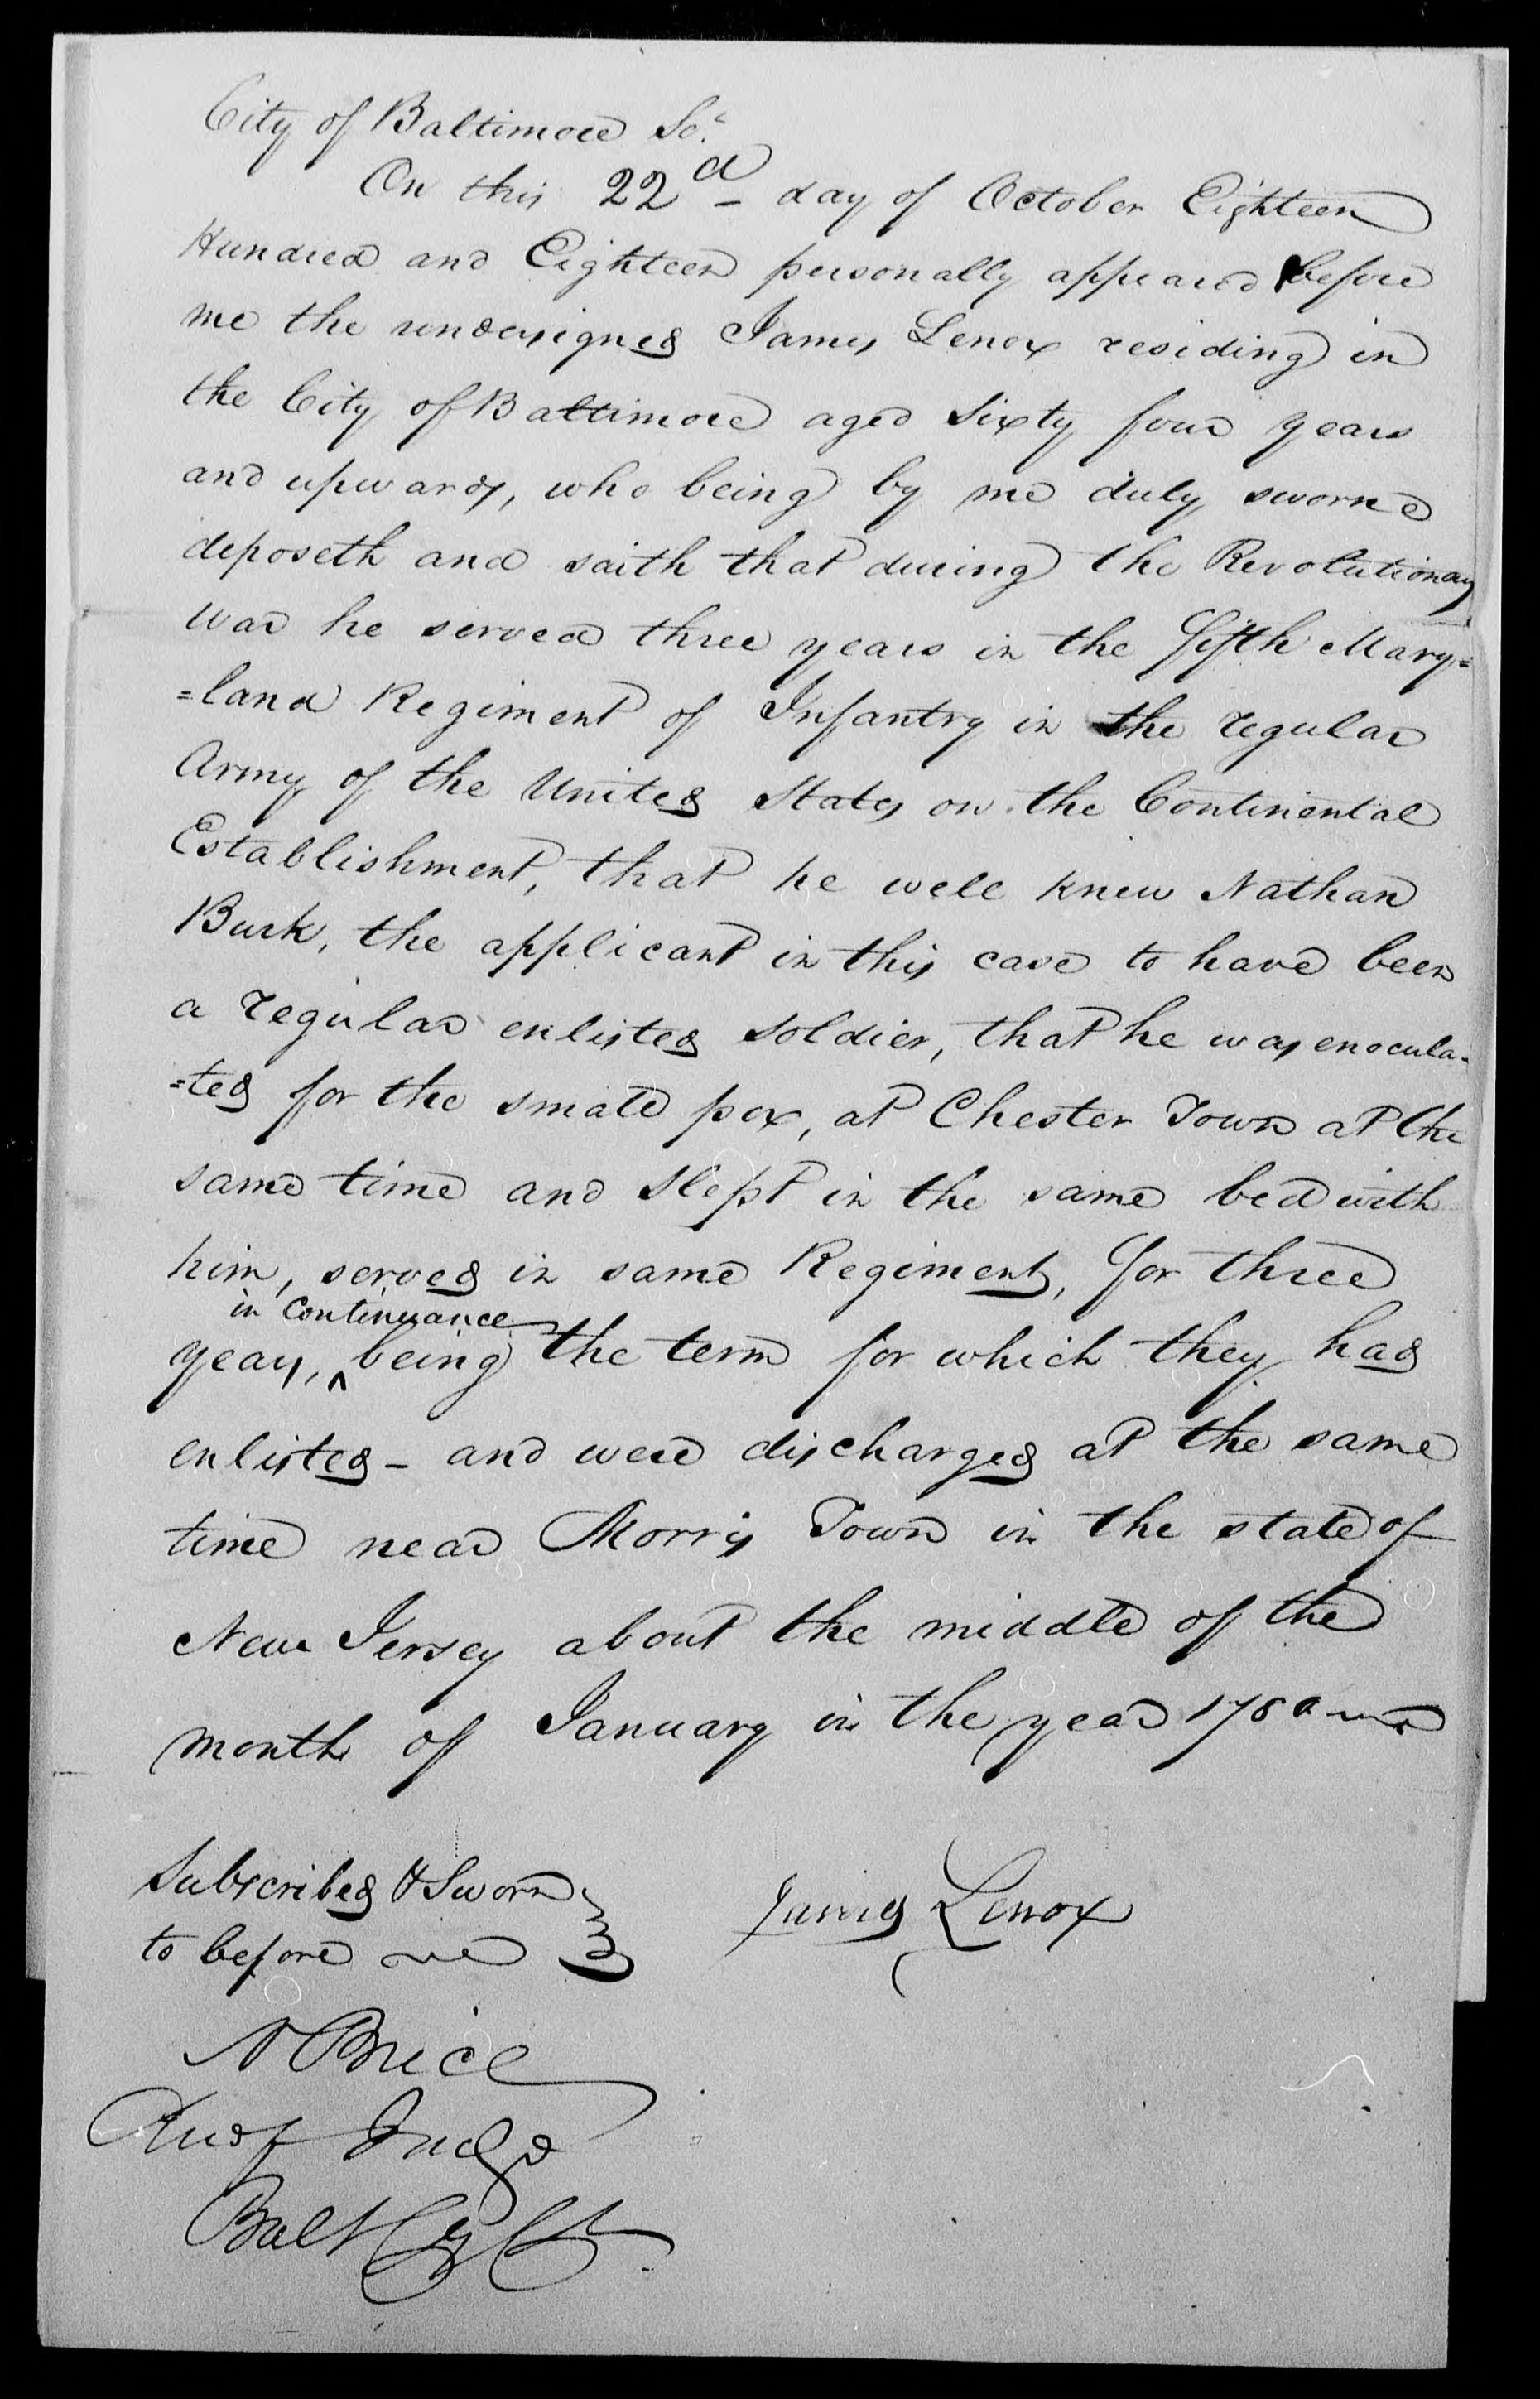City of Baltimore S.

On this 22nd day of October Eighteen Hundred and Eighteen personally appeared before me the undersigned James Lenox residing in the City of Baltimore aged sixty four years and upwards, who being by me duly sworn deposeth and saith that during the Revolutionary War he served three years in the fifth Maryland Regiment of Infantry in the regular army of the United States on the Continental Establishment, that he well knew Nathan Burk, the applicant in this case to have been a regular enlisted soldier, that he was enoculated for the small pox, at Chester Town at the same time and slept in the same bed with him, served in the same Regiment, for three years being the term for which they had enlisted - and were discharged at the same time near Morris Town in the state of New Jersey about the middle of the month of January in the year 1780
Subscribed & Sworn to before me
James Lenox
N. Brice
(illegible) Judge 
Baltimore County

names: N Brice, Nathan Burk, James Lenox, James Lenox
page: 5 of 20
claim: survivor's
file: S. 34674, Nathan Burk, Md.